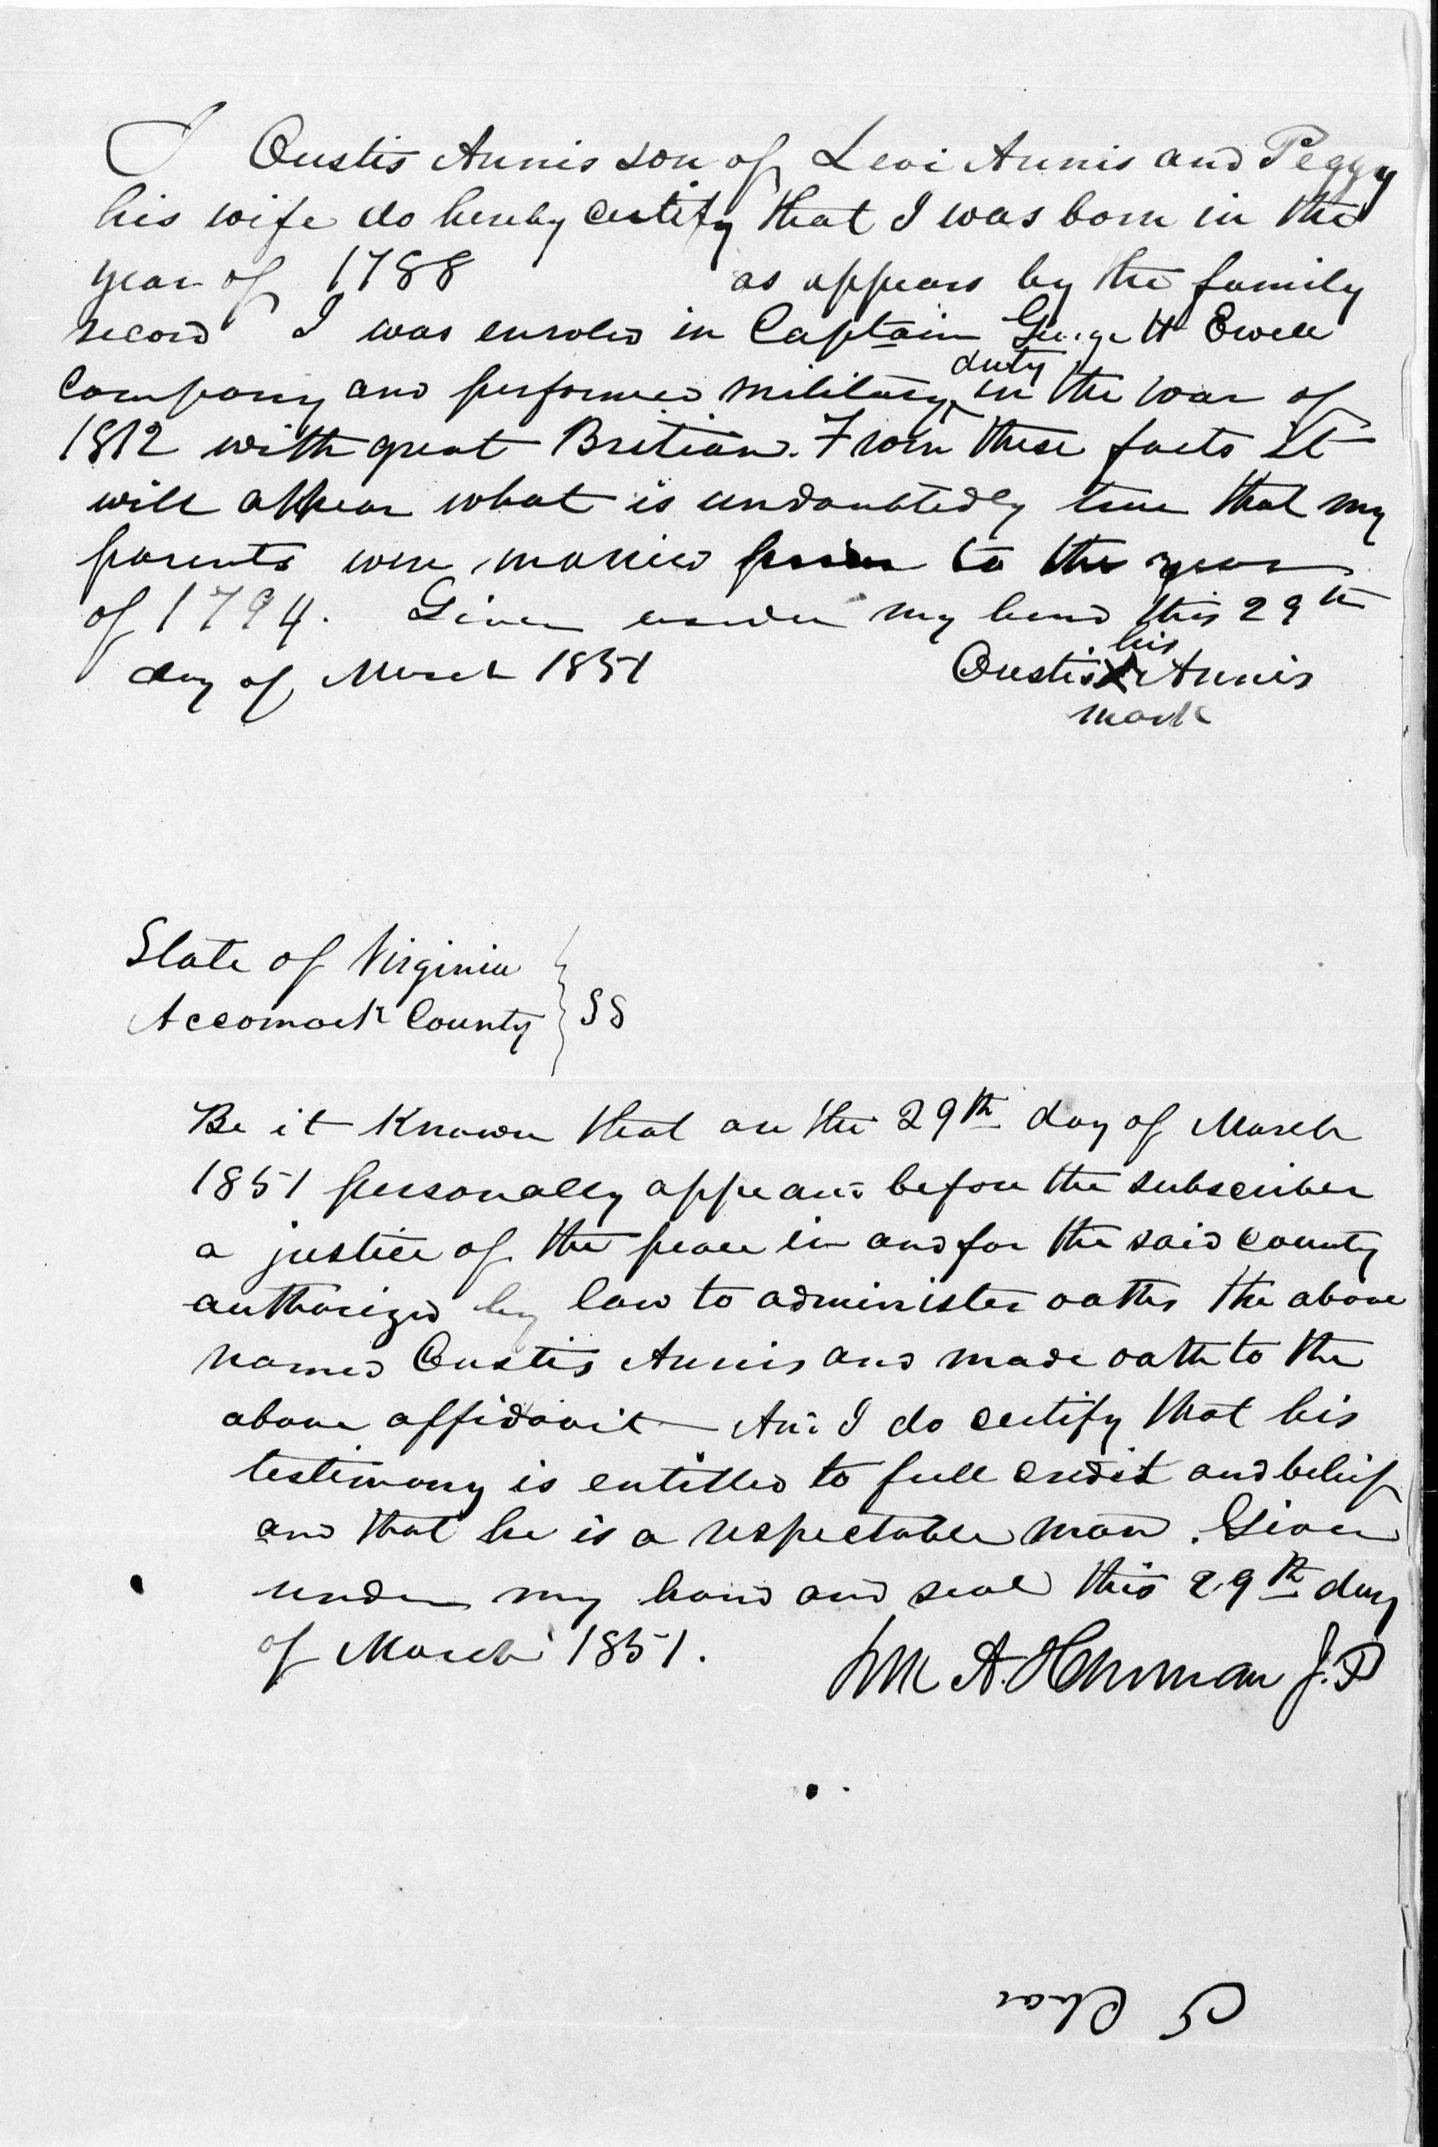I, Austis Annis son of Levi Annis and Peggy his wife to hereby certify that I was born in the year of 1788 as appears by the family record. I was enrolled in Captain George H Ewell company and performed military duty in the War of 1812 with Great Britain. From these facts I will affirm what is understandably true that my parents were married persons to the year of 1794. Given under my hand this 29th day of March 1851
Austis Annis
"X" "his mark"

State of Virginia
Accomack County
Be it known that on the 29th day of March 1851 personally appeared before the subscriber a justice of the peace in and for the said County authorized by law to administer oaths the above named Austis Annis and made oath to the above affidavit. And I do certify that his testimony is entitled to full audit and belief and that he is a respectable man. Given under my hand and seal this 29th day of March 1851.
A. Herman J.P.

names: Custis Annis, George H Ewell, Custis Annis, Peggy, Levi Annis, Custis Annis, Wm A Hurman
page: 5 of 27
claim: widow's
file: W 5624, Levi Annis, Va. Va. Sea Service